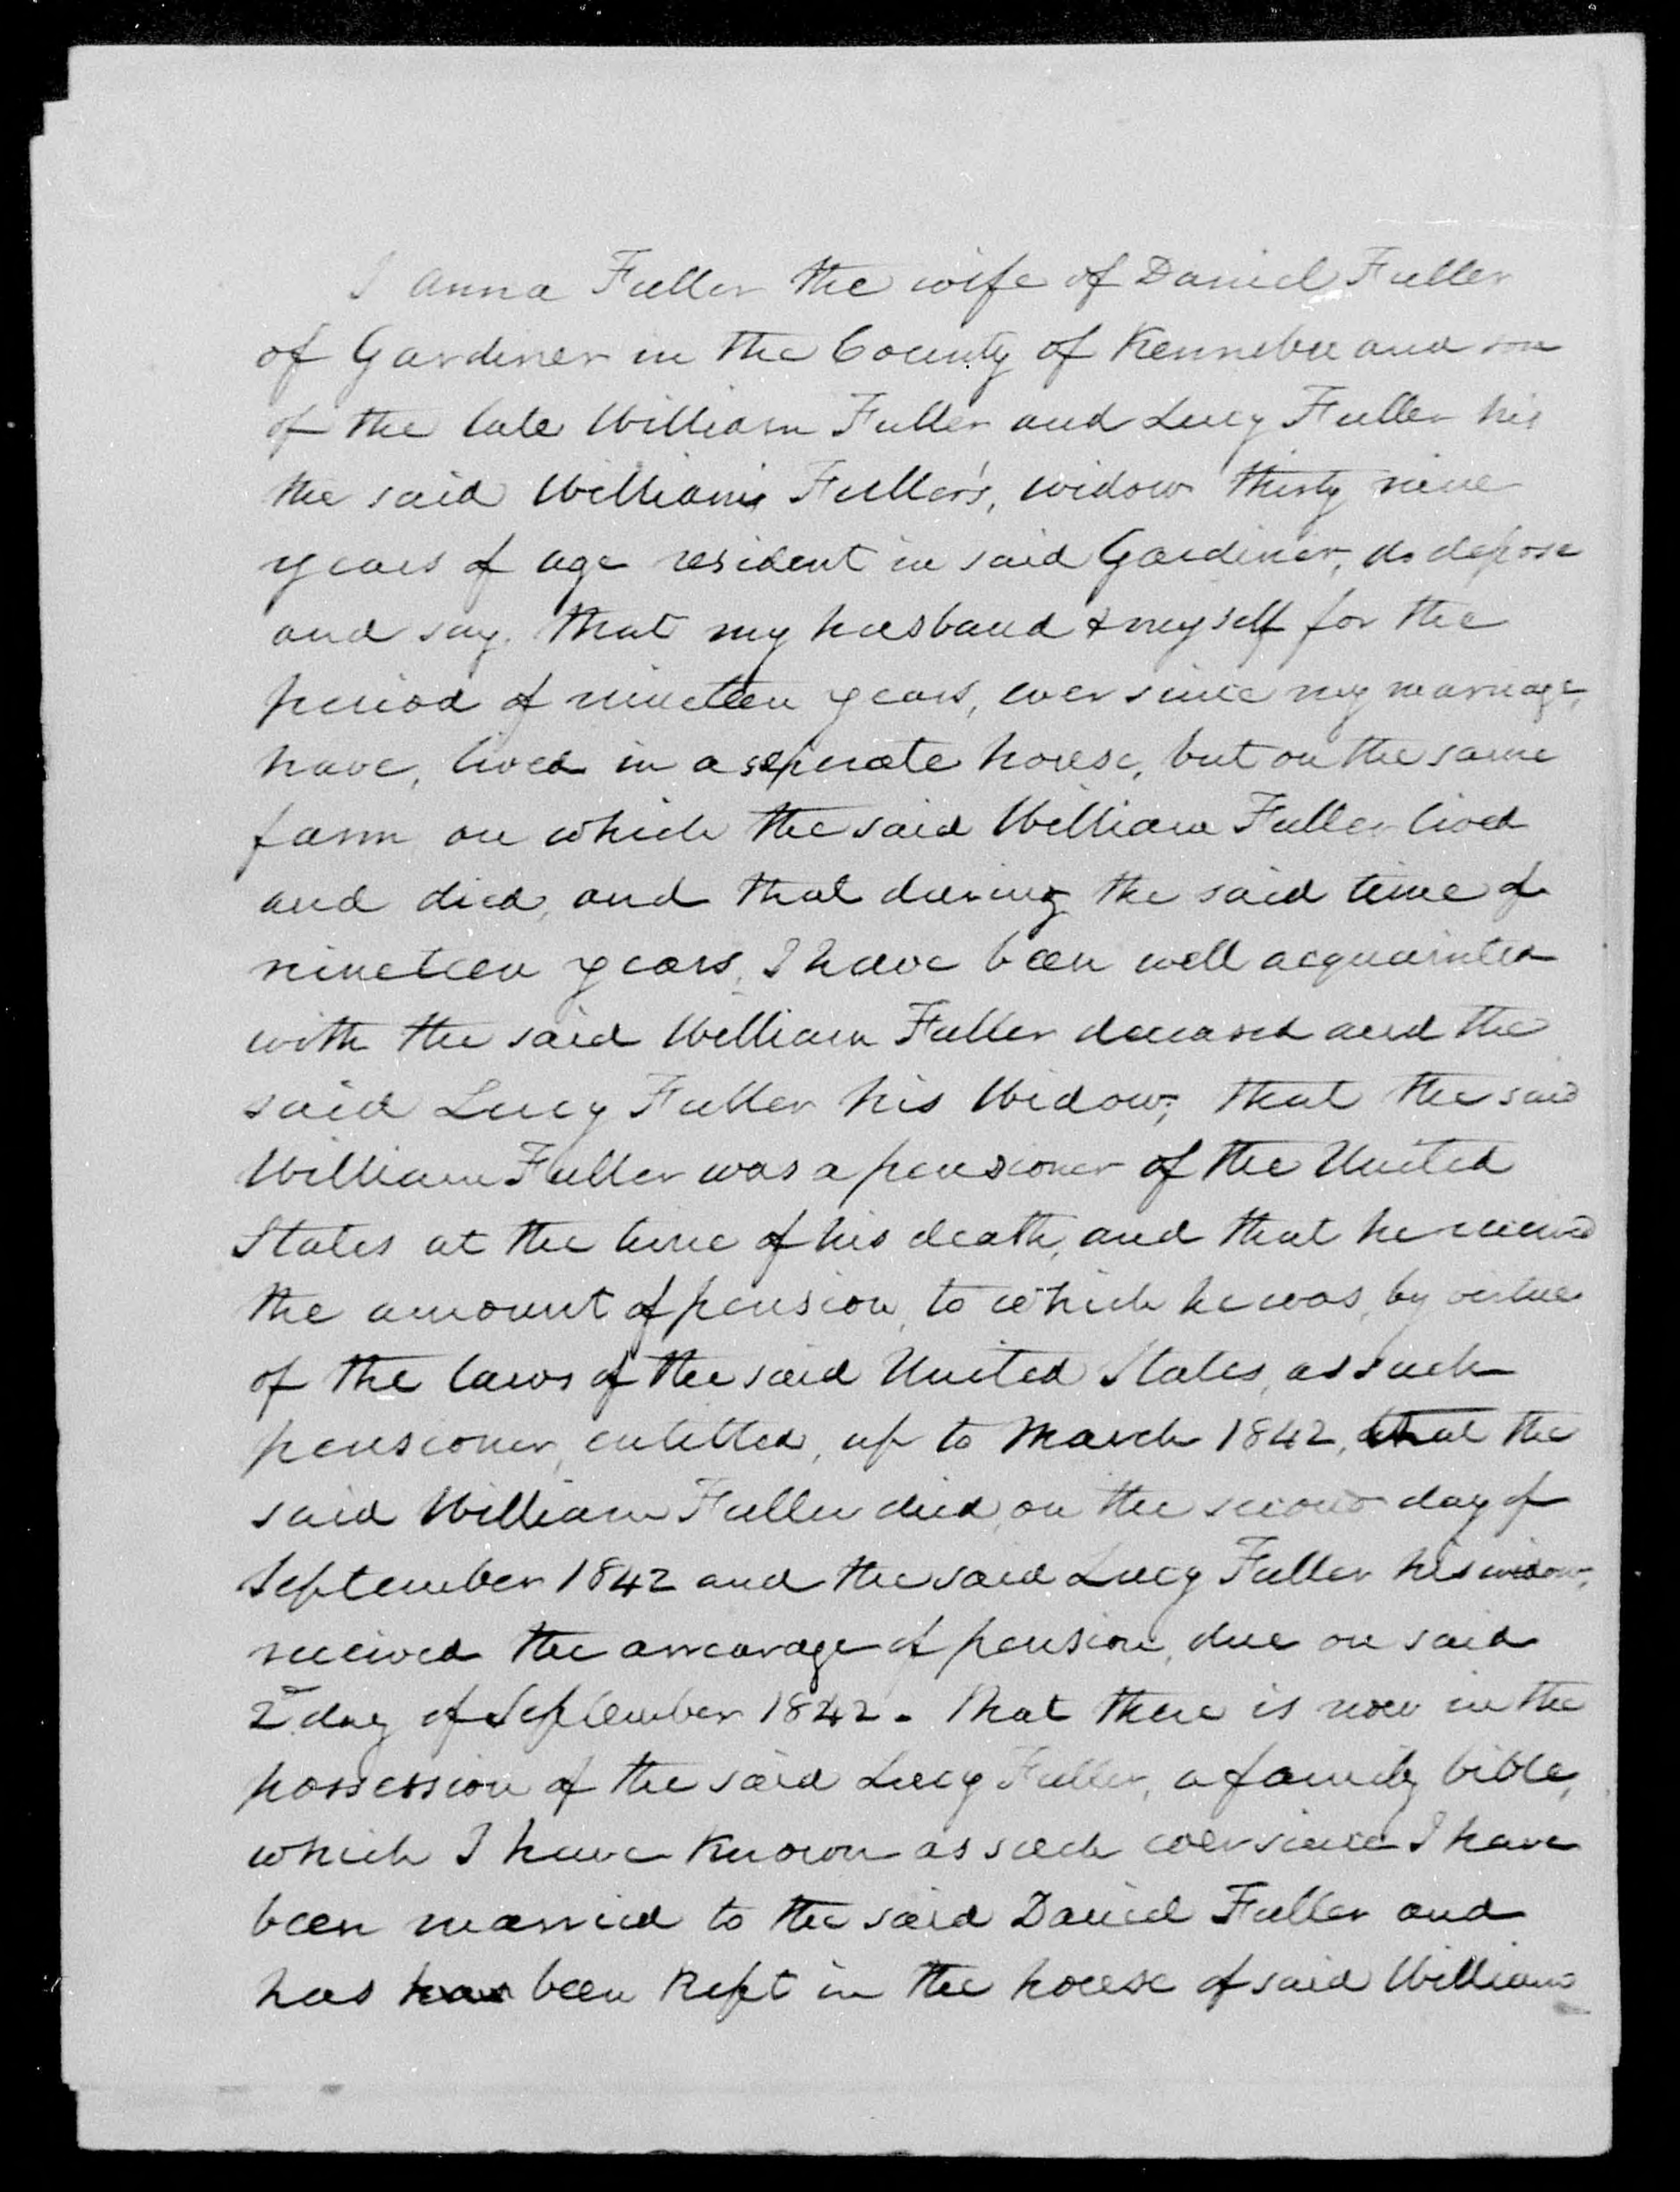I Anna Fuller the wife of Daniel Fuller of Gardiner in the County of Kennebec and son of the late William Fuller and Lucy Fuller his the said William Fuller's widow thirty nine years of age resident in said Gardiner, do depose and say that my husband & myself for the period of nineteen years, ever since my marriage, have lived in a separate house, but on the same farm on which the said William Fuller lived and died, and that during the said time of nineteen years I have been well acquainted with the said William Fuller deceased and the said Lucy Fuller his widow; that the said William Fuller was a pensioner of the United States at the time of his death, and that he received the amount of pension to which he was, by virtue of the laws of the said United States, as such pensioner entitled up to March 1842, that the said William Fuller died on the second day of September 1842 and the said Lucy Fuller his widow, received the average of pension due on said 2nd day of September 1842. That there is now in the possession of the said Lucy Fuller, a family bible, which I have known as such ever since I have been married to the said Daniel Fuller and has [crossed out: has] been kept in the house of said William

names: Anna Fuller, William Fuller, William Fuller, William Fuller, William Fuller, Lucy Fuller, William Fuller, Lucy Fuller, Lucy Fuller, William, Daniel Fuller, Daniel Fuller, William Fuller, Lucy Fuller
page: 11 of 45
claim: widow's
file: W. 17933, William Fuller, Mass